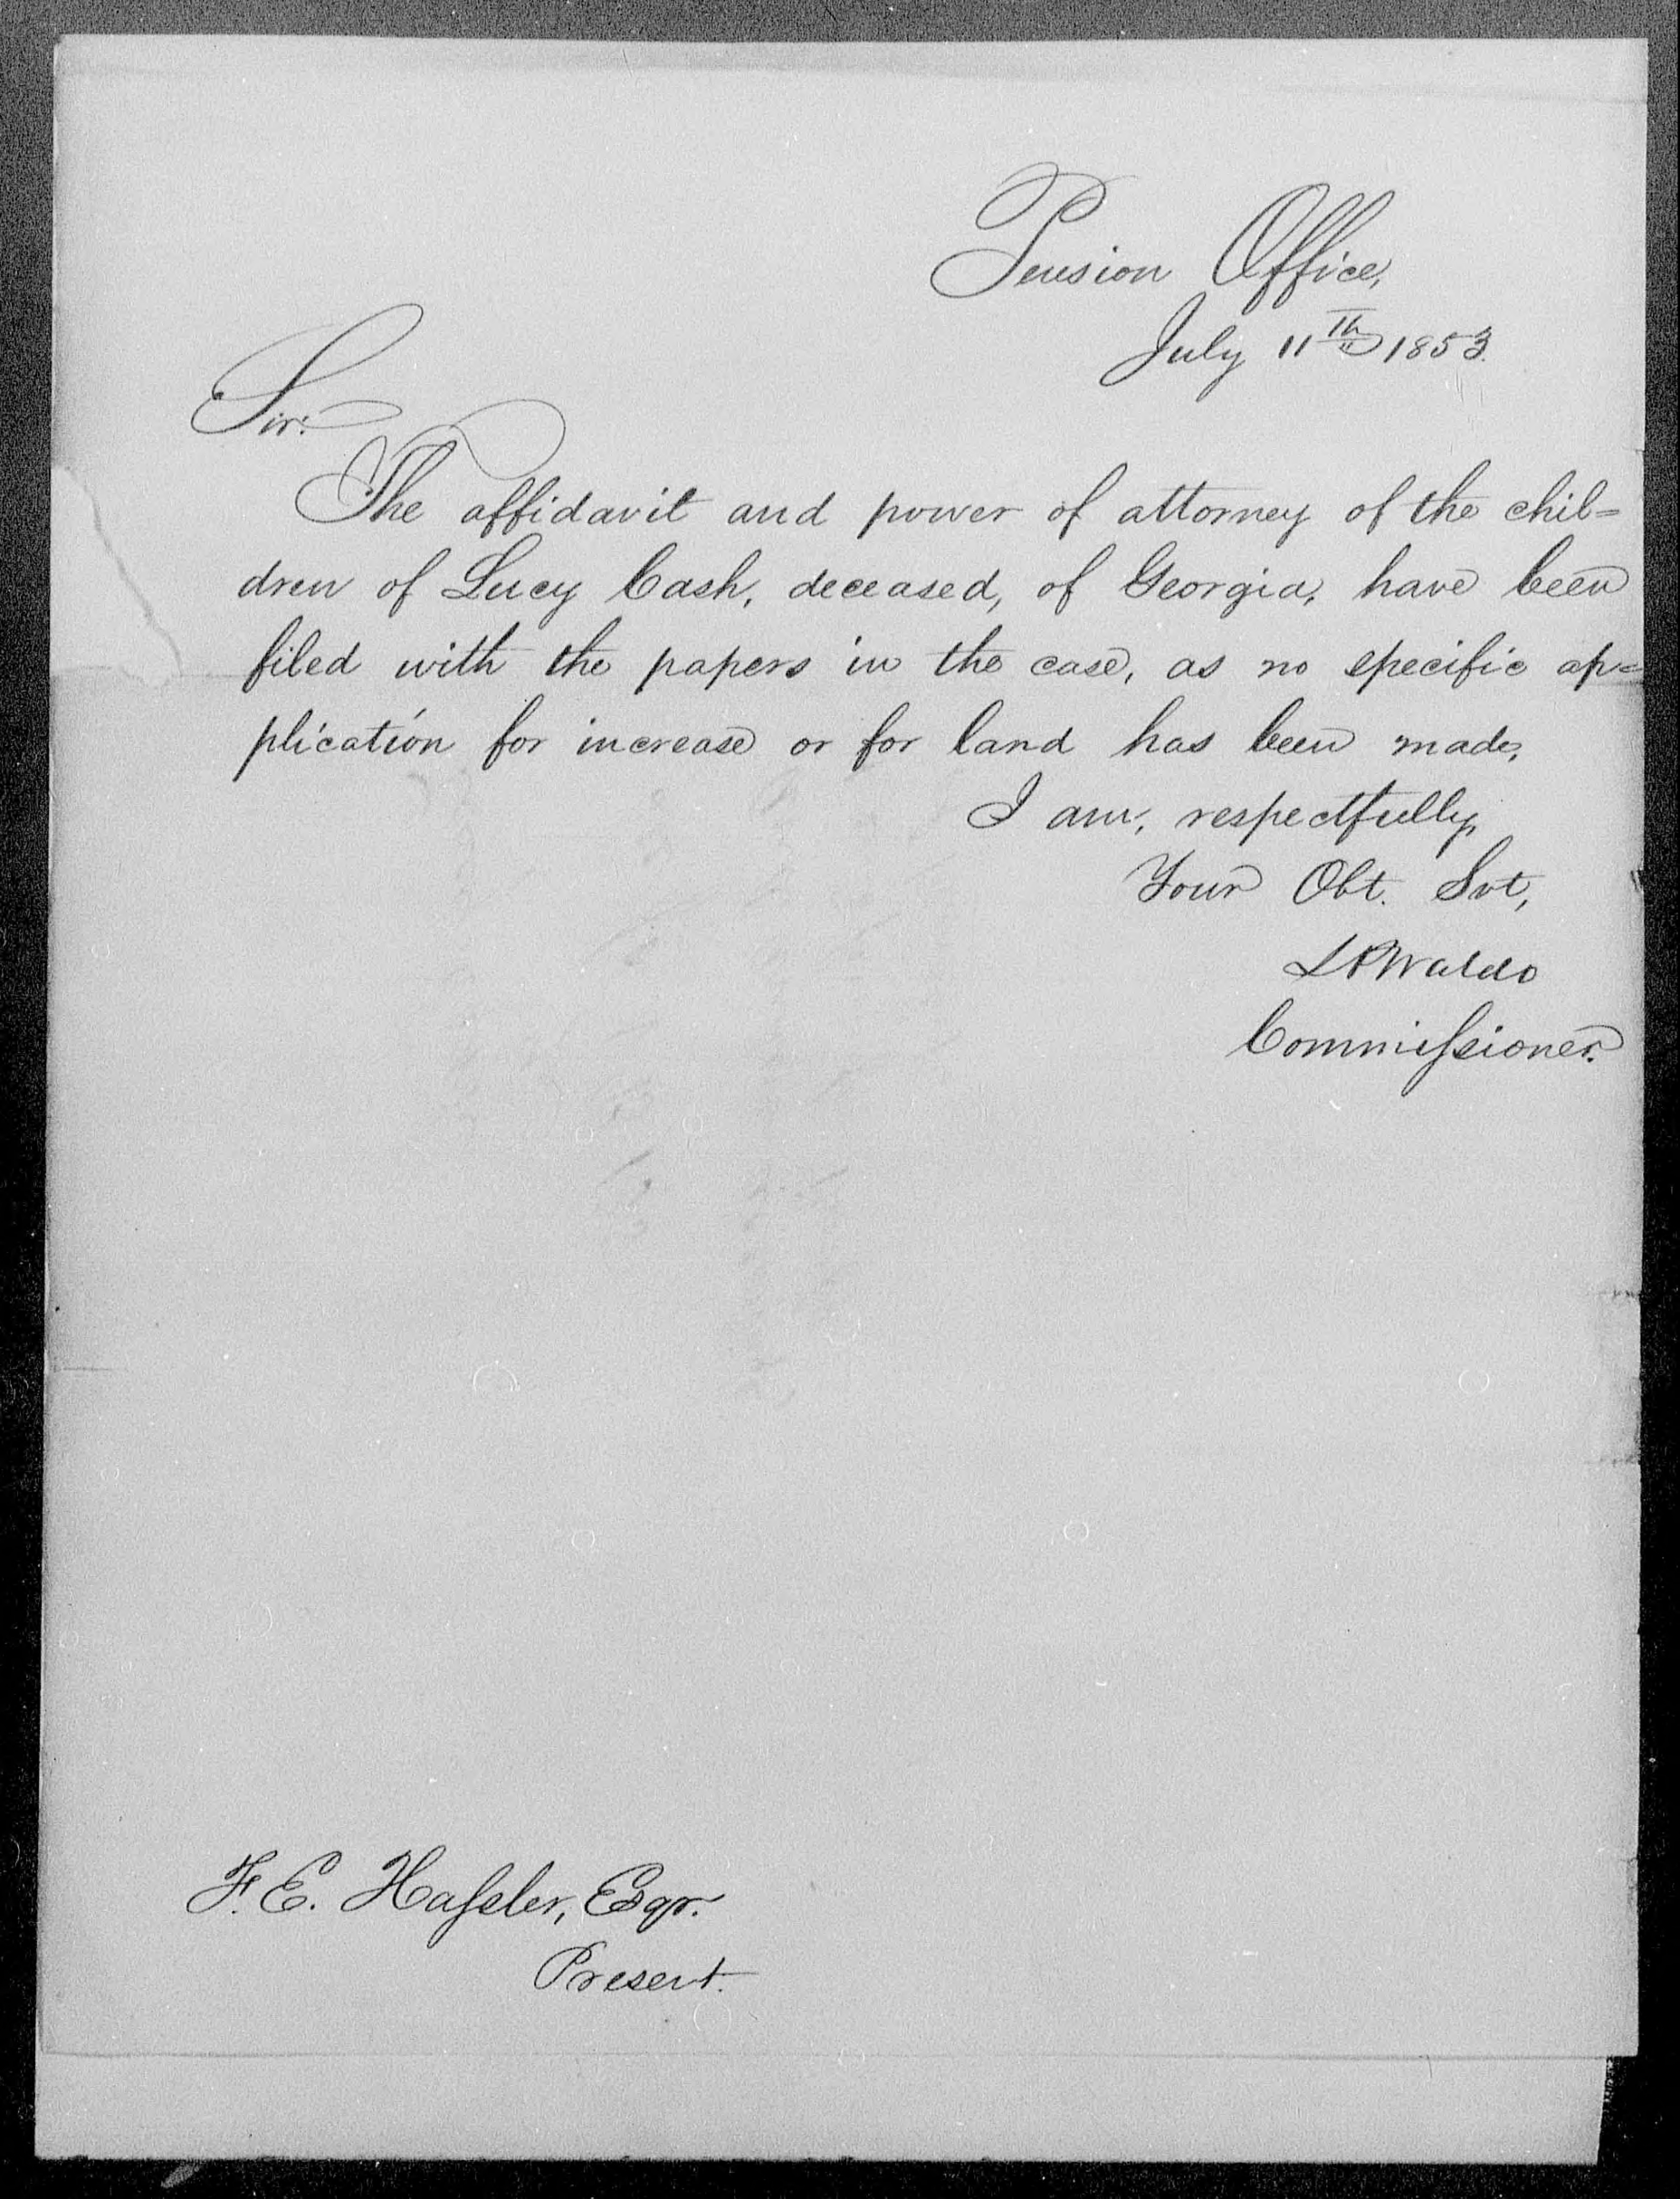Pension Office
July 11th 1853.
Sir.
The affidavit and power of attorney of the children of Lucy Cash, deceased, of Georgia, have been filed with the papers in the case, as no specific application for increase or for land has been made.
I am, respectfully
Your Obt. Svt.,
S.P. Waldo
Commissioner

F.E. Hafeler, Esq.
Present.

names: F E Hassler, L P Waldo, Lucy Cash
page: 36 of 73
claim: widow's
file: W. 5,894, John Cash, Va.